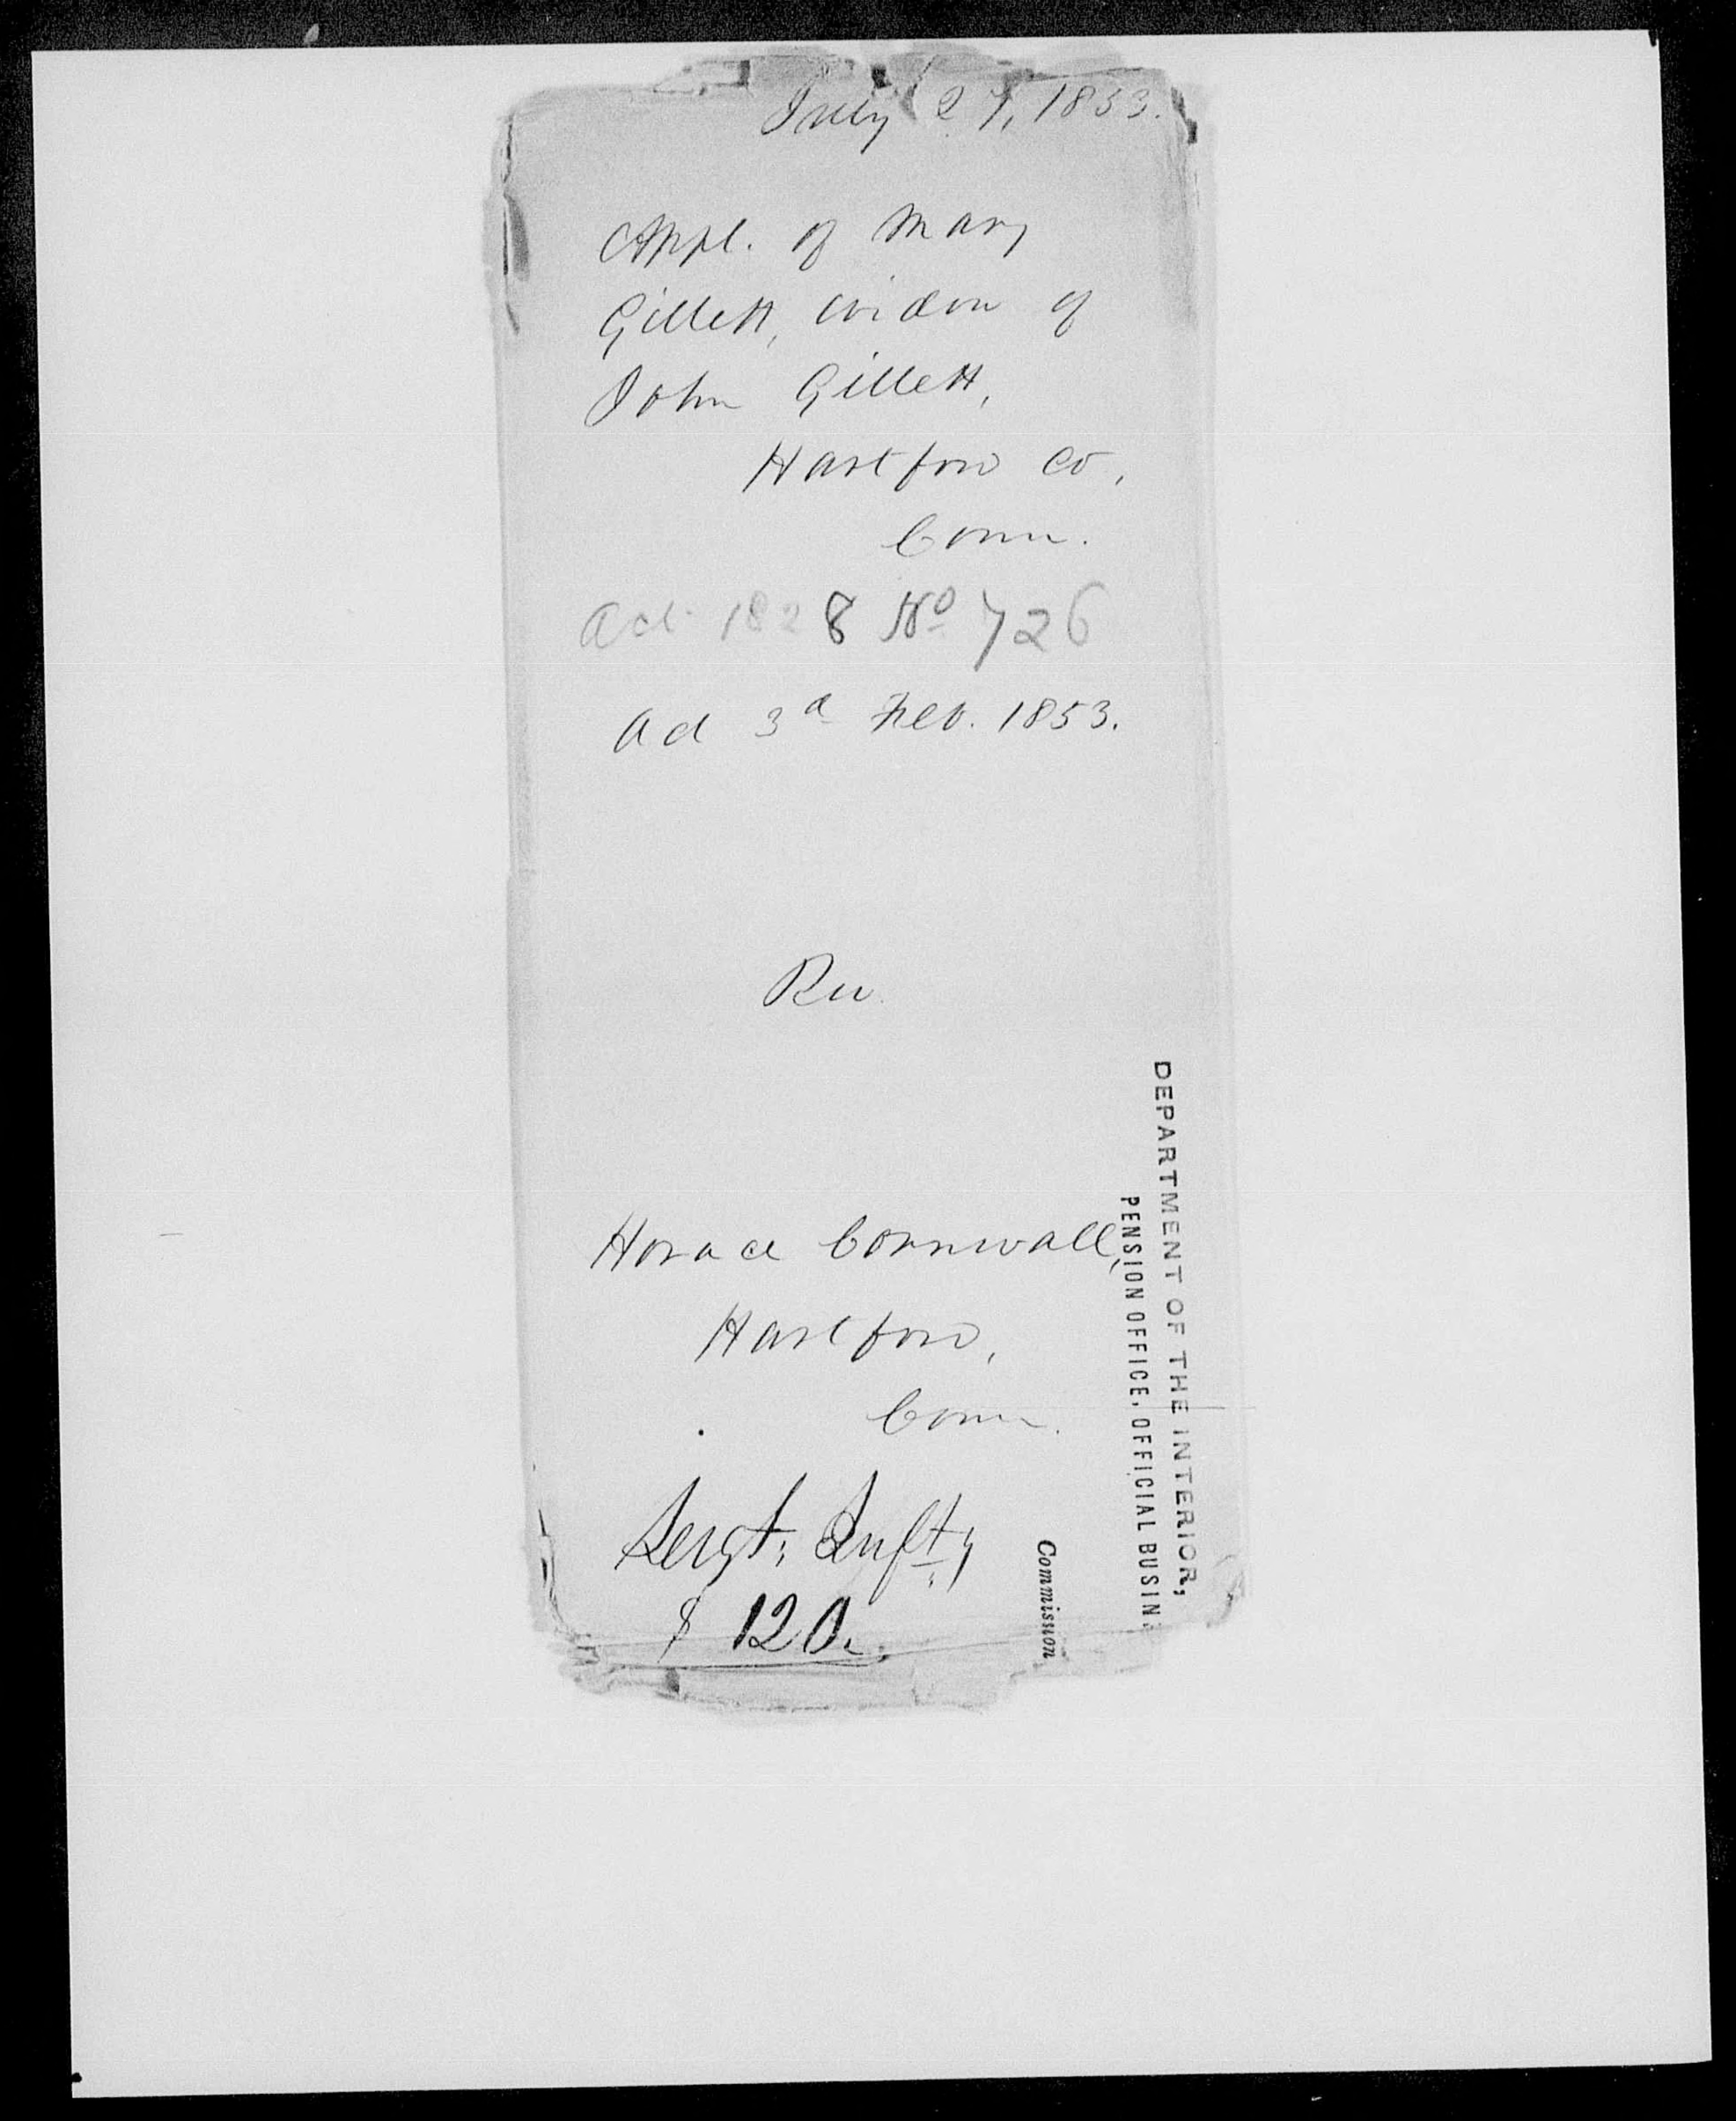July 27, 1833.

Appl. of Mar
Gillet, widow of
John Gillet,
   Hartford, Ct;
            Conn.
Act 1828  No 726
Act 3d Feb. 1853

Rev

Horace Cornwall,
Hartford,
     Conn.


{Written vertically, right side]

DEPARTMENT OF THE INTERIOR
PENSION OFFICE . OFFICIAL BUSIN...
          Commission

Sergt, Infty
    $120.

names: John Gillett, Mary Gillett, Horace Cornwall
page: 13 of 40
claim: survivor's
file: S. 36,537 And R. 4034, John Gillet, Conn.